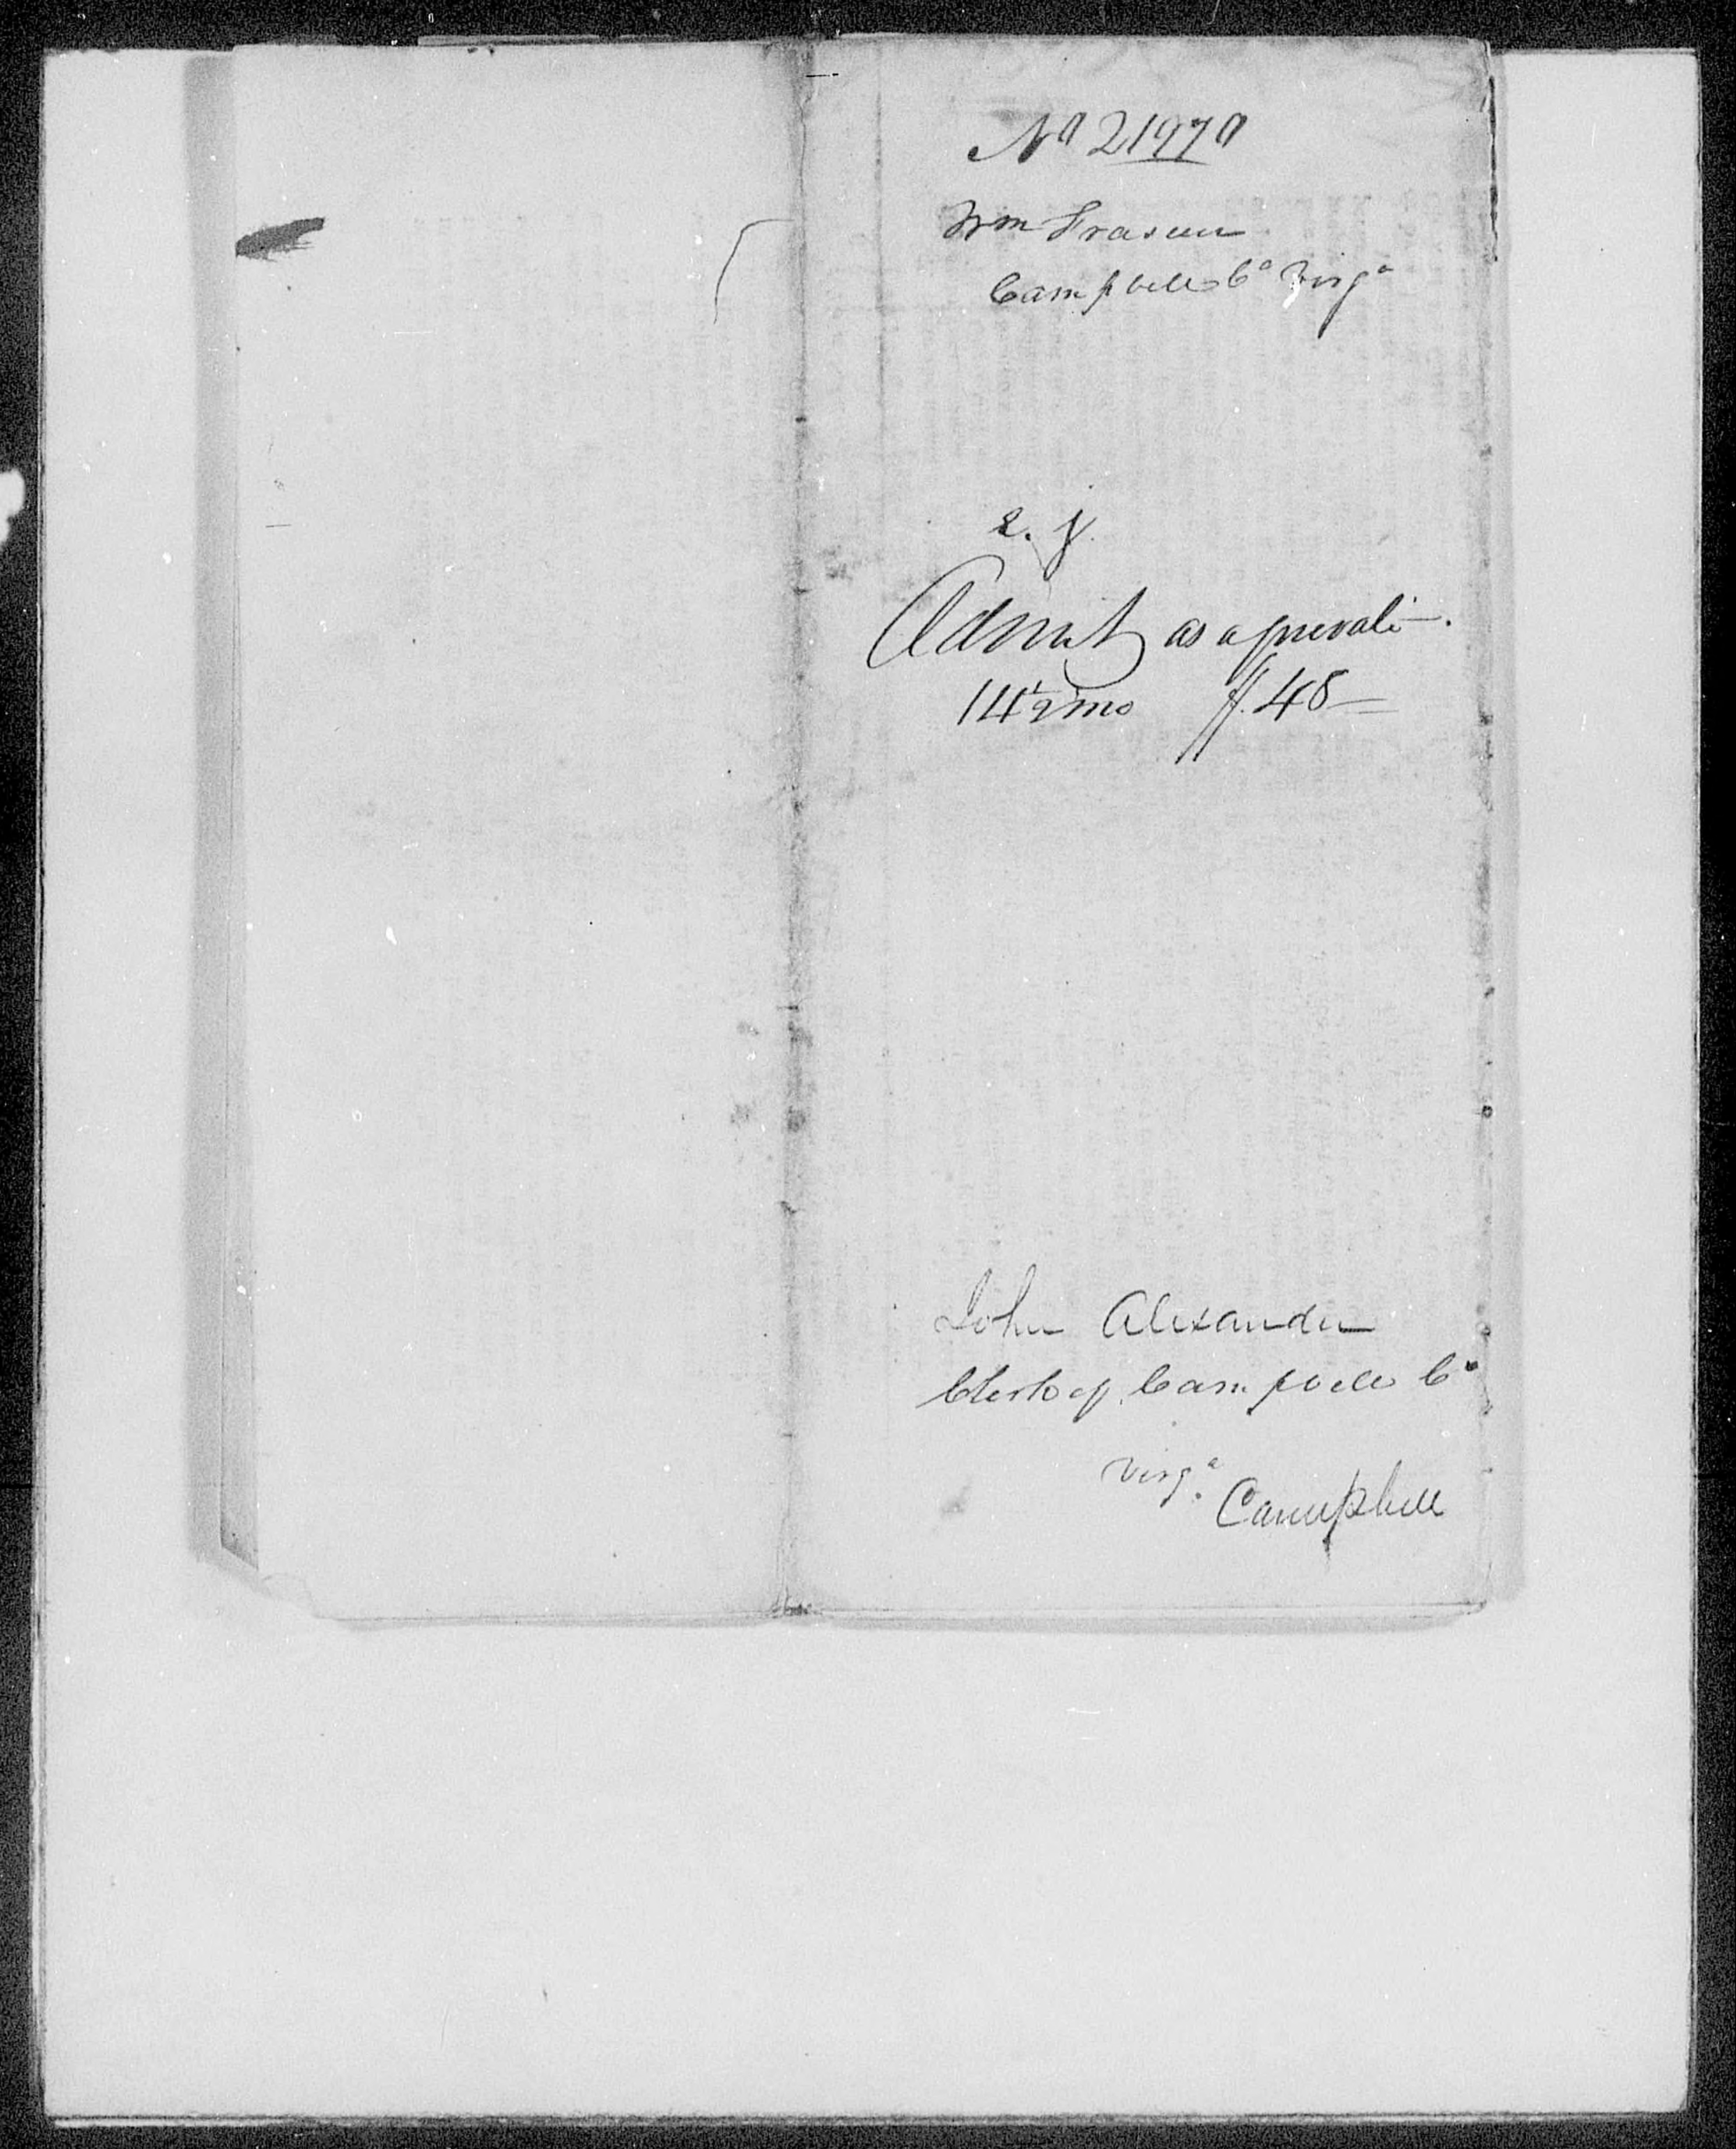No 21970 
Wm Frazier 
Campbell Co Virga

E.J. 
Admit as approval 
14 1/2 mo $48 

John Alexander 
Clerk of Campbell Co

Virg. 
Campbell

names: Wm Frasier, John Alexander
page: 7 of 13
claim: survivor's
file: S. 17966, William Frazier, Va.